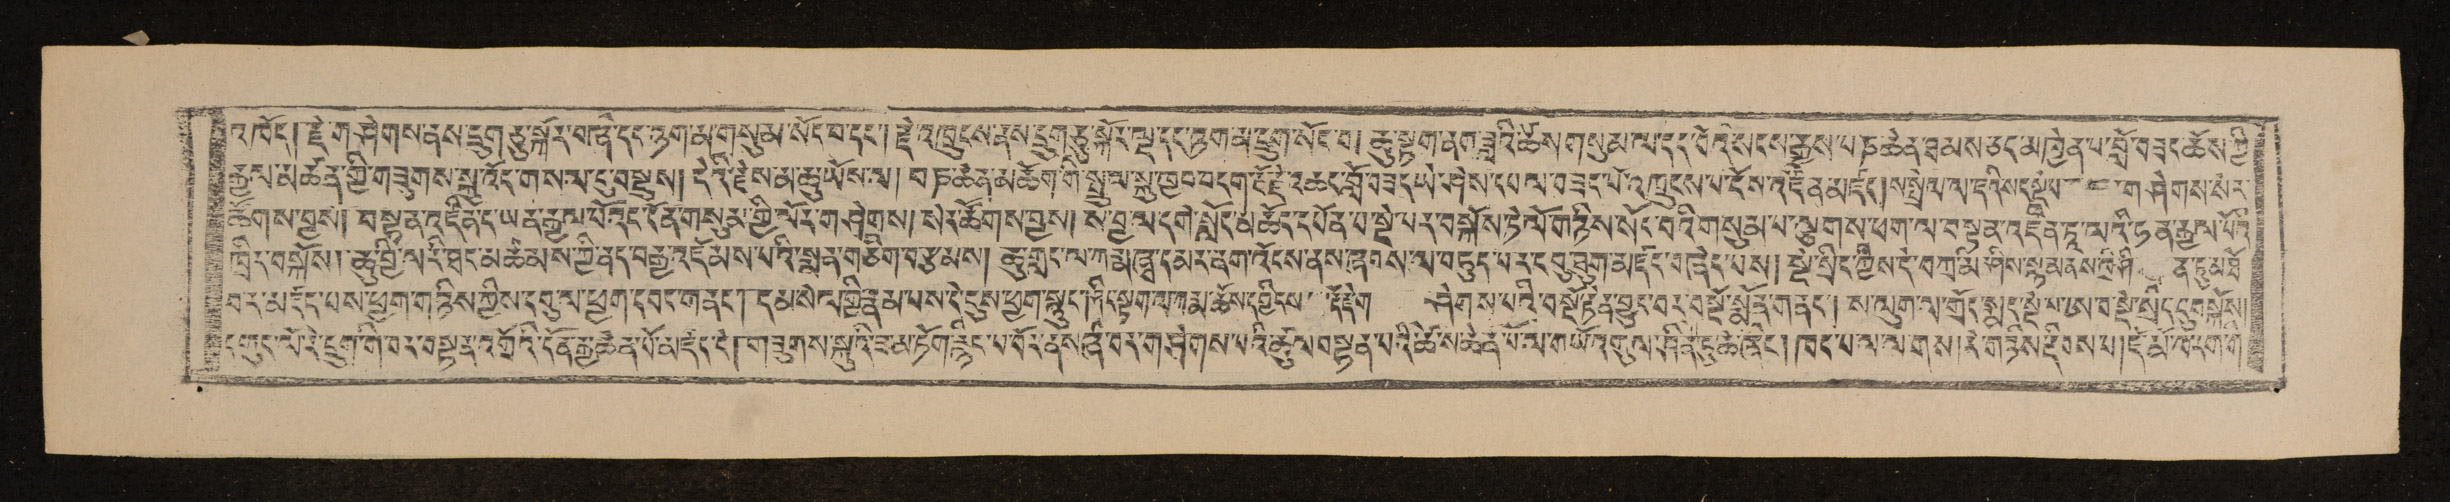འཁོད། རྗེ་གཤེགས་ནས་དྲུག་ཅུ་སྐོར་བཞི་དང་ཉག་མ་གསུམ་སོང་བ་དང་། རྗེ་འཁྲུངས་ནས་དྲུག་ཅུ་སྐོར་ལྔ་དང་ཉག་མ་དྲུག་སོང་བ། ཆུ་སྟག་ནག་ཟླའི་ཚེས་གསུམ་ལ་དང་པོའི་སངས་རྒྱས་པཎ་ཆེན་ཐམས་ཅད་མཁྱེན་པ་བློ་བཟང་ཆོས་ཀྱི་
རྒྱལ་མཚན་གྱི་གཟུགས་སྐུ་འོད་གསལ་དུ་བསྡུས། དེའི་རྗེས་མ་ཆུ་ཡོས་ལ། པཎ་ཆེན་མཆོག་གི་སྤྲུལ་སྐུ་ཁྱབ་བདག་རྡོ་རྗེ་འཆང་བློ་བཟང་ཡེ་ཤེས་དཔལ་བཟང་པོ་འཁྲུངས་པ་ངོས་འཛིན་མཛད། ས་སྤྲེལ་ལ་ཇའི་སང་སྡེ་པ་གཤེགས་སེར་
ཚོགས་བྱས། བསྟན་འཛིན་ད་ཡན་རྒྱལ་པོའང་དོན་གསུམ་གྱི་ལོར་གཤེགས། སེར་ཚོགས་བྱས། ས་བྱ་ལ་དགེ་སློང་མཆོད་དཔོན་པ་སྡེ་པར་བསྐོས་ཏེ་ལོ་གཉིས་སོང་བའི་གསུམ་པ་ལྕགས་ཕག་ལ་བསྟན་འཛིན་ཏཱ་ལའི་ཧན་རྒྱལ་པོའི་
ཁྲིར་བསྐོས། ཆུ་བྱི་ལ་རི་ཐང་མཚམས་ཀྱི་ནད་བརྒྱ་འཇོམས་པའི་སྨན་གཅིག་བརྩམས། ཆུ་གླང་ལ་ཀརྨ་ཞྭ་དམར་ནག་འོངས་ནས་ཞབས་ལ་བཏུད་པར་དབུ་ཐུག་མཛད་བཞེད་པས། སྡེ་སྲིད་ཀྱིས་དེ་བཀྲ་མི་ཤེས་སྙམ་ནས་ཁྲི་ཤིན་ཏུ་མཐོ་
བར་མཛད་པས་ཕྱག་གཉིས་ཀྱིས་དབུ་ལ་ཕྱག་དབང་གནང་། དམ་སེལ་གྱི་རྣམ་པས་དེ་དུས་ཕྱག་སྙུང་། ཤིང་སྟག་ལ་ཀརྨ་ཆོས་དབྱིངས་རྡོ་རྗེ་གཤེགས་པའི་བསྔོ་རྟེན་བྱུང་བར་བསྔོ་སྨོན་གནང་། ས་ལུག་ལ་གྲོང་སྨད་སྡེ་པ་ཨ་བ་སྡེ་སྲིད་དུ་བསྐོས།
དགུང་ལོ་རེ་དྲུག་གི་བར་བསྟན་འགྲོའི་དོན་རྒྱ་ཆེན་པོ་མཛད་དེ། གཟུགས་སྐུའི་ཟ་མ་ཏོག་རྙིང་པ་བོར་ནས་ཞི་བར་གཤེགས་པའི་ཚུལ་བསྟན་པའི་ཚེ་ས་ཆེན་པོ་ལ་གཡོ་འགུལ་ཤིན་ཏུ་ཆེ་ཞིང་། ཁང་པ་ལ་ལ་གས། རེ་གཉིས་རྡིབས་པ། ཇོ་མོ་ཁ་རག་གི་